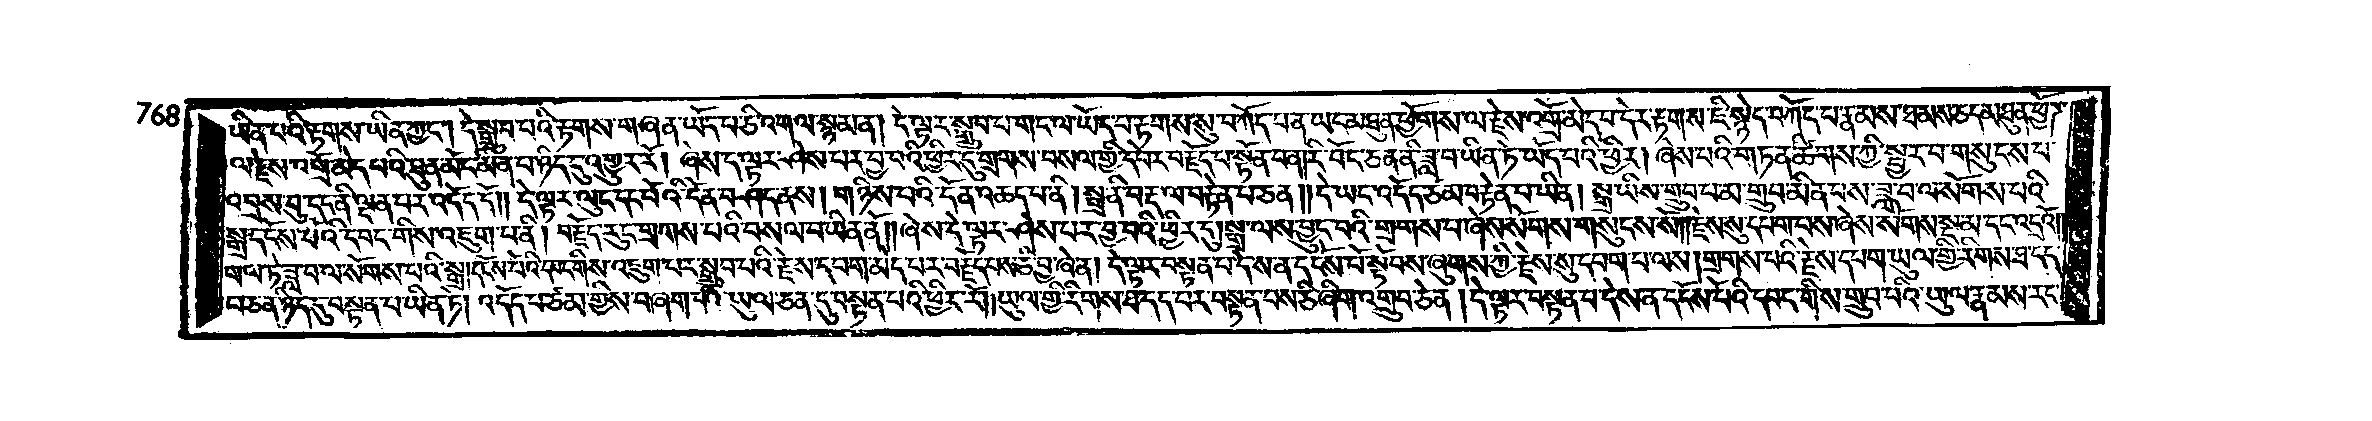ཡིན་པའི་རྟགས་ཡིན་ཀྱང་། དེ་སྒྲུབ་པའི་རྟགས་གཞན་ཡོད་པ་ཅི་འགལ་སྙམ་ན། དེ་ལྟར་སྒྲུབ་པ་གང་ལ་ཡོད་པ་རྟགས་སུ་བཀོད་པ་ན་ཡང་མཐུན་ཕྱོགས་ལ་རྗེས་འགྲོ་མེད་པ་དེར་རྟགས་ཇི་སྙེད་བཀོད་པ་རྣམས་ཐམས་ཅད་མཐུན་ཕྱོགས་
ལ་རྗེས་འགྲོ་མེད་པའི་ཐུན་མོང་མིན་པ་ཉིད་དུ་འགྱུར་རོ། ཞེས་ད་ལྟར་ཤེས་པར་བྱ་བའི་ཕྱིར་དུ་གྲགས་བསལ་གྱི་དཔེར་བརྗོད་པ་སྟོན་པ་ན། རི་བོང་ཅན་ནི་ཟླ་བ་ཡིན་ཏེ་ཡོད་པའི་ཕྱིར། ཞེས་པའི་གཏན་ཚིགས་ཀྱི་སྦྱར་བ་གསུངས་པ་
འབྲས་བུ་དང་ནི་ལྡན་པར་འདོད་དོ། །དེ་ལྟར་ལུང་དང་པོའི་དོན་བཤད་ནས། གཉིས་པའི་དོན་འཆད་པ་ནི། སྒྲ་ནི་བརྡ་ལ་བརྟེན་པ་ཅན། །དེ་ཡང་འདོད་ཙམ་བརྟེན་པ་ཡིན། སྒྲ་ཡིས་གྲུབ་པ་མ་གྲུབ་མིན་པས་ཟླ་བ་ལ་སོགས་པའི་
སྒྲ་དངོས་པོའི་དབང་གིས་འཇུག་པ་ནི། བརྗོད་རུང་གྲགས་པའི་བསལ་བ་ཡིན་ནོ། །ཞེས་དེ་ལྟར་ཤེས་པར་བྱ་བའི་ཕྱིར་དུ། སྒྲ་ལས་བྱུང་བའི་གྲགས་པ་ཞེས་སོགས་གསུངས་སོ། །རྗེས་སུ་དཔག་པས་ཞེས་སོགས་སྔ་མ་དང་འདྲའོ།
གལ་ཏེ་ཟླ་བ་ལ་སོགས་པའི་སྒྲ། དངོས་པོའི་དབང་གིས་འཇུག་པར་སྒྲུབ་པའི་རྗེས་དཔག་མེད་པར་བརྗོད་པས་ཅི་བྱ་ཞེ་ན། དེ་ལྟར་བསྟན་པ་དེ་ན་དངོས་པོ་སྟོབས་ཞུགས་ཀྱི་རྗེས་སུ་དཔག་པ་ལས། གྲགས་པའི་རྗེས་དཔག་ཡུལ་གྱི་རིགས་ཐ་དད་
པ་ཅན་ཉིད་དུ་བསྟན་པ་ཡིན་ཏེ། འདོད་པ་ཙམ་གྱིས་བཞག་པའི་ཡུལ་ཅན་དུ་བསྟན་པའི་ཕྱིར་རོ། ཡུལ་གྱི་རིགས་ཐ་དད་པར་བསྟན་པས་ཅི་ཞིག་འགྲུབ་ཅེ་ན། དེ་ལྟར་བསྟན་པ་དེས་ན་དངོས་པོའི་དབང་གིས་གྲུབ་པའི་ཡུལ་རྣམས་རང་